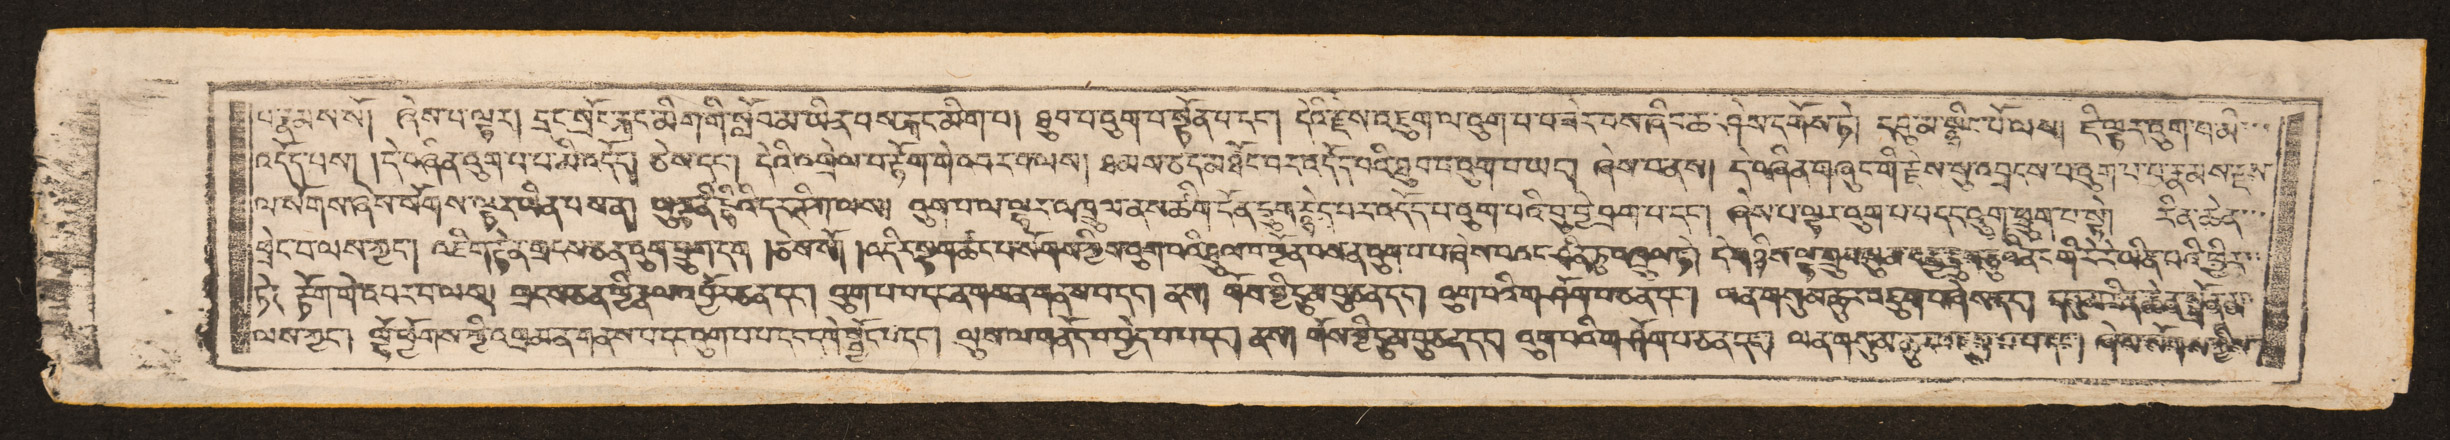པ་རྣམས་སོ། ཞེས་པ་ལྟར། དྲང་སྲོང་རྐང་མིག་གི་སློབ་མ་ཡིན་པས་རྐང་མིག་པ། ཐུབ་པ་འུག་པ་སྟོན་པ་དང་། དེའི་རྗེས་འཇུག་ལ་འུག་པ་པ་ཟེར་བས་ཞིབ་ཆ་ཤེས་དགོས་ཏེ། དབུ་མ་སྙིང་པོ་ལས། ཇི་ལྟར་འུག་པ་མི་
འདོད་པས། །དེ་བཞིན་འུག་པ་པ་མི་འདོད། ཅེས་དང་། དེའི་འགྲེལ་བ་རྟོག་གེ་འབར་བ་ལས། ཐམས་ཅད་མཐོང་བར་འདོད་པའི་ཐུབ་པ་འུག་པ་ཡང་། ཞེས་པ་ནས། དེ་བཞིན་གཞུང་གི་རྗེས་སུ་འབྲངས་པ་འུག་པ་པ་རྣམས་རྫས་
ལ་སོགས་ཞེས་སོགས་ལྟར་ཡིན་བས་ན། ཡུཀྟ་ནི་དྷིའི་དར་ཊིཀ་ལས། འུག་པ་ལ་ལྷར་འཁྲུལ་ནས་ཚིག་དོན་དྲུག་རྙེད་པར་འདོད་པ་འུག་པའི་བུ་བྱེ་བྲག་པ་དང་། ཞེས་པ་ལྟར་འུག་པ་བ་དང་འུག་ཕྲུག་པ་སྟེ། རིན་ཆེན་
ཕྲེང་བ་ལས་ཀྱང་། འཇིག་རྟེན་གྲངས་ཅན་འུག་ཕྲུག་དག །ཅེས་སོ། །འདིར་སྟག་ཚང་པ་སོགས་ཀྱིས་འུག་པའི་ཐུལ་བ་གྱོན་པས་ན་འུག་པ་པ་ཞེས་པའང་ཤིན་ཏུ་འཁྲུལ་ཏེ། དེ་གཉིས་ལྟ་གྲུབ་སུམ་བརྒྱ་དྲུག་ཅུའི་ནང་གི་རེ་རེ་ཡིན་པའི་ཕྱིར་
ཏེ༑ རྟོག་གེ་འབར་བ་ལས། གྲངས་ཅན་གྱི་རྣལ་འབྱོར་ཅན་དང་། འུག་པ་བ་དང་ནགས་ན་གནས་པ་དང་། ནས། གོས་ཀྱི་དུམ་བུ་ཅན་དང་། འུག་པའི་གཤོག་པ་ཅན་དང་། ལན་གསུམ་ཆུར་འཇུག་པ་ཞེས་དང་། དབུ་མ་རིན་ཆེན་སྒྲོན་མ་
ལས་ཀྱང་། ལྷོ་ཕྱོགས་ཀྱི་འགྲམ་ན་གནས་པ་དང་འུག་པ་པ་དང་དགེ་སྦྱོང་པ་དང་། ལུས་ལ་གནོད་པ་བྱེད་པ་པ་དང་། ནས། གོས་ཀྱི་དུམ་བུ་ཅན་དང་། འུག་པའི་གཤོག་པ་ཅན་དང་། ལན་གསུམ་ཆུར་འཇུག་པ་པ་དང་། ཞེས་སོགས་ཀྱིས་